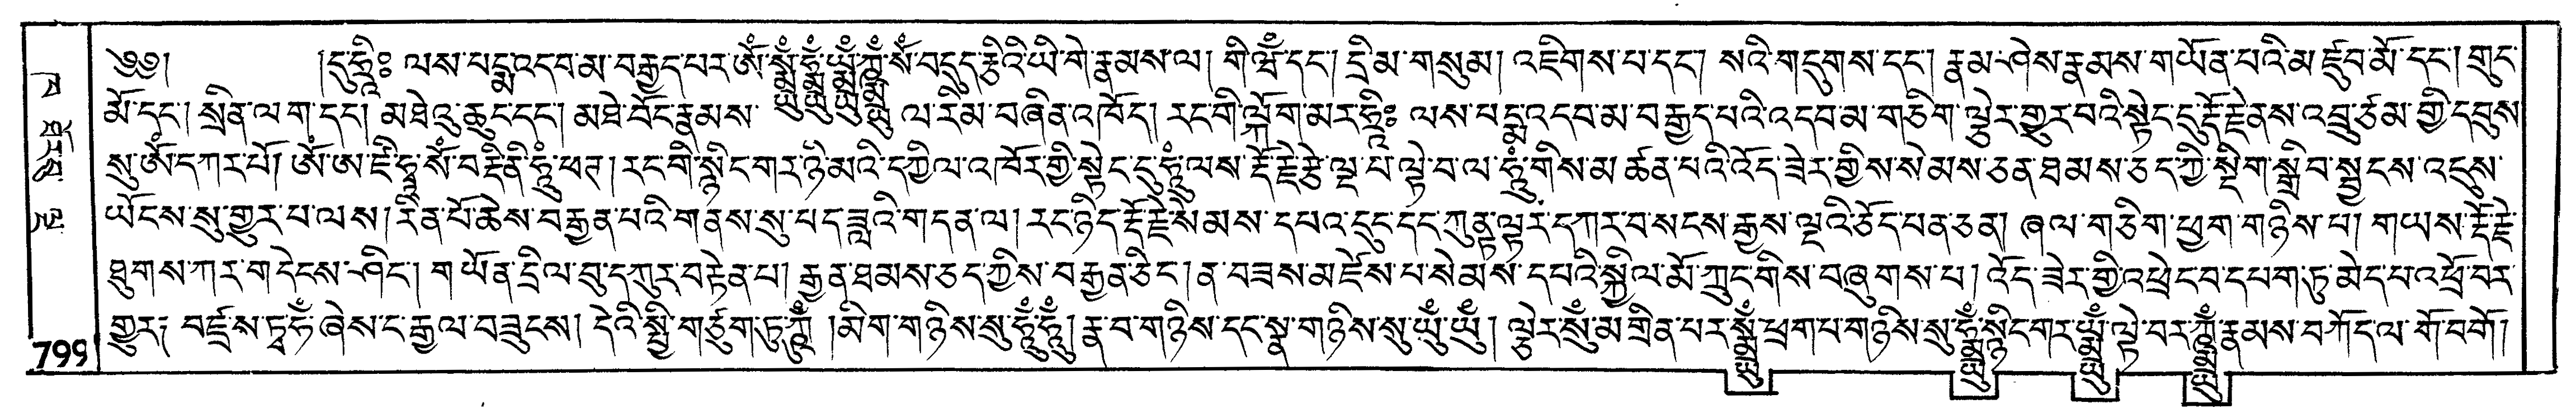༄༅། །དུ་ཧྲཱིཿ ལས་པདམ་འདབ་མ་བརྒྱད་པར་ཨོཾ་སྨྲྱུཾ་ཧྨྲྱུཾ་ཡྨྲྱུཾ་ཀྵྨྲྱུཾ་སོཾ་བདུད་རྩིའི་ཡི་གེ་རྣམས་ལ། གི་ཝཾ་དང་། དྲི་མ་གསུམ། འཇིགས་པ་དང་། སའི་གདུགས་དང་། རྣམ་ཤེས་རྣམས་གཡོན་པའི་མཛུབ་མོ་དང་། གུང་
མོ་དང་། སྲིན་ལག་དང་། མཐེའུ་ཆུང་དང་། མཐེ་བོང་རྣམས་ལ་རིམ་བཞིན་འཁོད། རང་གི་ལྐོག་མར་ཧྲཱིཿ ལས་པདམ་འདབ་མ་བརྒྱད་པའི་འདབ་མ་གཅིག་ལྕེར་གྱུར་པའི་སྟེང་དུ་རྡོ་རྗེ་ནས་འབྲུ་ཙམ་གྱི་དབུས་
སུ་ཨོཾ་དཀར་པོ། ཨོཾ་ཨ་ཛི་ཧྭཱ་སོཾ་བརྡི་ནི་ཧཱུཾ་ཕཊ། རང་གི་སྙིང་གར་ཉི་མའི་དཀྱིལ་འཁོར་གྱི་སྟེང་དུ་ཧཱུཾ་ལས་རྡོ་རྗེ་རྩེ་ལྔ་པ་ལྟེ་བ་ལ་ཧཱུཾ་གིས་མཚན་པའི་འོད་ཟེར་གྱིས་སེམས་ཅན་ཐམས་ཅད་ཀྱི་སྡིག་སྒྲིབ་སྦྱངས་འདུས་
ཡོངས་སུ་གྱུར་པ་ལས། རིན་པོ་ཆེས་བརྒྱན་པའི་གནས་སུ་པད་ཟླའི་གདན་ལ། རང་ཉིད་རྡོ་རྗེ་སེམས་དཔའ་དུང་དང་ཀུནྟ་ལྟར་དཀར་བ་སངས་རྒྱས་ལྔའི་ཅོད་པན་ཅན། ཞལ་གཅིག་ཕྱག་གཉིས་པ། གཡས་རྡོ་རྗེ་
ཐུགས་ཀར་གདེངས་ཤིང་། གཡོན་དྲིལ་བུ་དཀུར་བརྟེན་པ། རྒྱན་ཐམས་ཅད་ཀྱིས་བརྒྱན་ཅིང་། ན་བཟས་མཛེས་པ་སེམས་དཔའི་སྐྱིལ་མོ་ཀྲུང་གིས་བཞུགས་པ། འོད་ཟེར་གྱི་འཕྲེང་བ་དཔག་ཏུ་མེད་པ་འཕྲོ་བར་
གྱུར༑ བཛྲ་ས་ཏྭ་ཧཾ་ཞེས་ང་རྒྱལ་བཟུངས། དེའི་སྤྱི་གཙུག་ཏུ་ཀྵུཾ། མིག་གཉིས་སུ་ཧཱུཾ་ཧཱུཾ། རྣ་བ་གཉིས་དང་སྣ་གཉིས་སུ་ཡུཾ་ཡུཾ། ལྕེར་སུཾ་མགྲིན་པར་སྨྲྱུཾ་ཕྲག་པ་གཉིས་སུ་ཧྨྲྱུཾ་སྙིང་གར་ཡྨྲྱུཾ་ལྟེ་བར་ཀྵྨྲྱུཾ་རྣམས་བཀོད་ལ་གོ་བགོ །